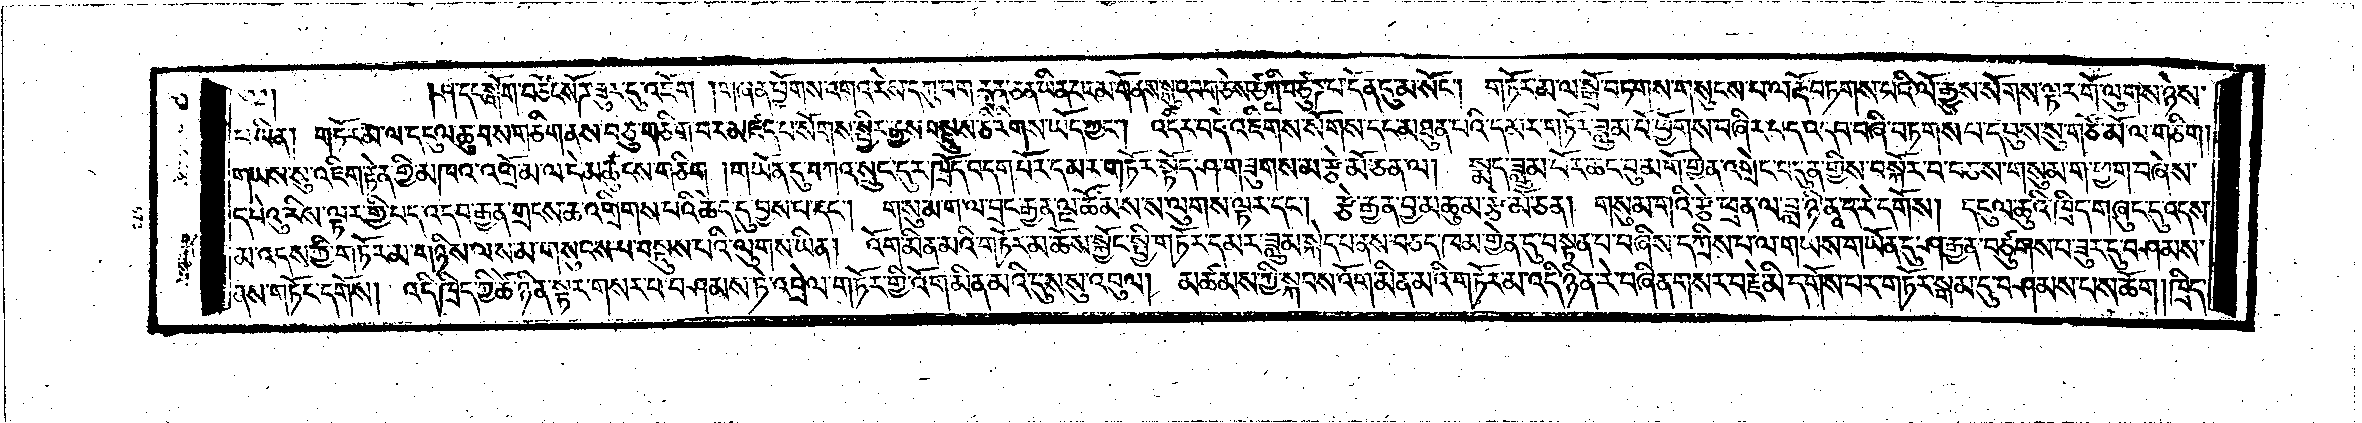༄༅། །ཤ་དང་སྒོག་བཙོང་སོགས་ཟུར་དུ་འཇོག །གཞན་ཕྱོགས་འགའ་རེས་དཀུ་བག་རླན་ཅན་ཡིན་པར་མགོ་ནས་སྐུ་འབག་ཅེས་ཙཀཱི་བཙུགས་པ་དོན་དུ་མ་སོང་། གཏོར་མ་ལ་སྒྲོ་བཏགས་གསུངས་པ་ལ་རྡོ་བཏགས་པའི་ལོ་རྒྱུས་སོགས་ལྟར་གོ་ལུགས་ཉེས་
པ་ཡིན། གཏོར་མ་ལ་དངུལ་ཆུ་བས་གཅིག་ནས་བཅུ་གཅིག་བར་མཛད་པ་སོགས་སྤྱིར་རྒྱས་བསྡུས་ཅི་རིགས་ཡོད་ཀྱང་། འདིར་བདེ་འཇིགས་སོགས་དང་མཐུན་པའི་དམར་གཏོར་ཟླུམ་པོ་ཕྱོགས་བཞིར་པད་འདབ་བཞི་བཏགས་པ་དབུས་སུ་གཙོ་མོ་ལ་གཅིག །
གཡས་སུ་འཇིག་རྟེན་གྱི་མཁའ་འགྲོམ་ལ་དེ་མཚུངས་གཅིག །གཡོན་དུ་བཀའ་སྲུང་དུར་ཁྲོད་བདག་པོར་དམར་གཏོར་སྟོད་ཤ་གཟུགས་མ་རྩེ་མོ་ཅན་ལ། སྨད་ཟླུམ་པོར་ཆད་བུ་མགོ་གྱེན་འགྲེང་བདུན་གྱིས་བསྐོར་བ་བཅས་གསུམ་ག་ཕྱག་བཞེས་
དཔེའུ་རིས་ལྟར་གྱི་པད་འདབ་རྒྱན་གྲངས་ཆ་འགྲིགས་པའི་ཆེད་དུ་བྱས་པ་དང་། གསུམ་ག་ལ་བྲང་རྒྱན་ལྔ་ཚོམས་ས་ལུགས་ལྟར་དང་། རྩེ་རྒྱན་བྱ་མ་ཆུ་མ་རྩེ་མོ་ཅན། གསུམ་གའི་རྩེ་ཕྲན་ལ་ཟླ་ཉི་ནཱ་ད་རེ་དགོས། དངུལ་ཆུའི་ཁྲིད་གཞུང་དུ་འདས་
མ་འདས་ཀྱི་གཏོར་མ་གཉིས་ལས་མ་གསུངས་པ་བསྡུས་པའི་ལུགས་ཡིན། འོག་མིན་མའི་གཏོར་མ་ཆོས་སྐྱོང་སྤྱི་གཏོར་དམར་ཟླུམ་སྐེད་པ་ནས་བཅད་ཁམ་གྱེན་དུ་བསྟན་པ་བཞིས་དཀྲིས་པ་ལ་གཡས་གཡོན་དུ་ཤ་རྒྱན་བཙུགས་བཟུར་དུ་བཤམས་
ནས་གཏོང་དགོས། འདི་ཁྲིད་ཀྱི་ཚེ་ཉིན་སྟར་གསར་པ་བཤམས་ཏེ་འབྲེལ་གཏོར་གྱི་འོག་མིན་མའི་དུས་སུ་འབུལ། མཚམས་ཀྱི་སྐབས་འོག་མིན་མའི་གཏོར་མ་འདི་ཉིན་རེ་བཞིན་གསར་བརྗེ་མི་དགོས་པར་གཏོར་སྒམ་དུ་བཤམས་པས་ཆོག །ཁྲིད་